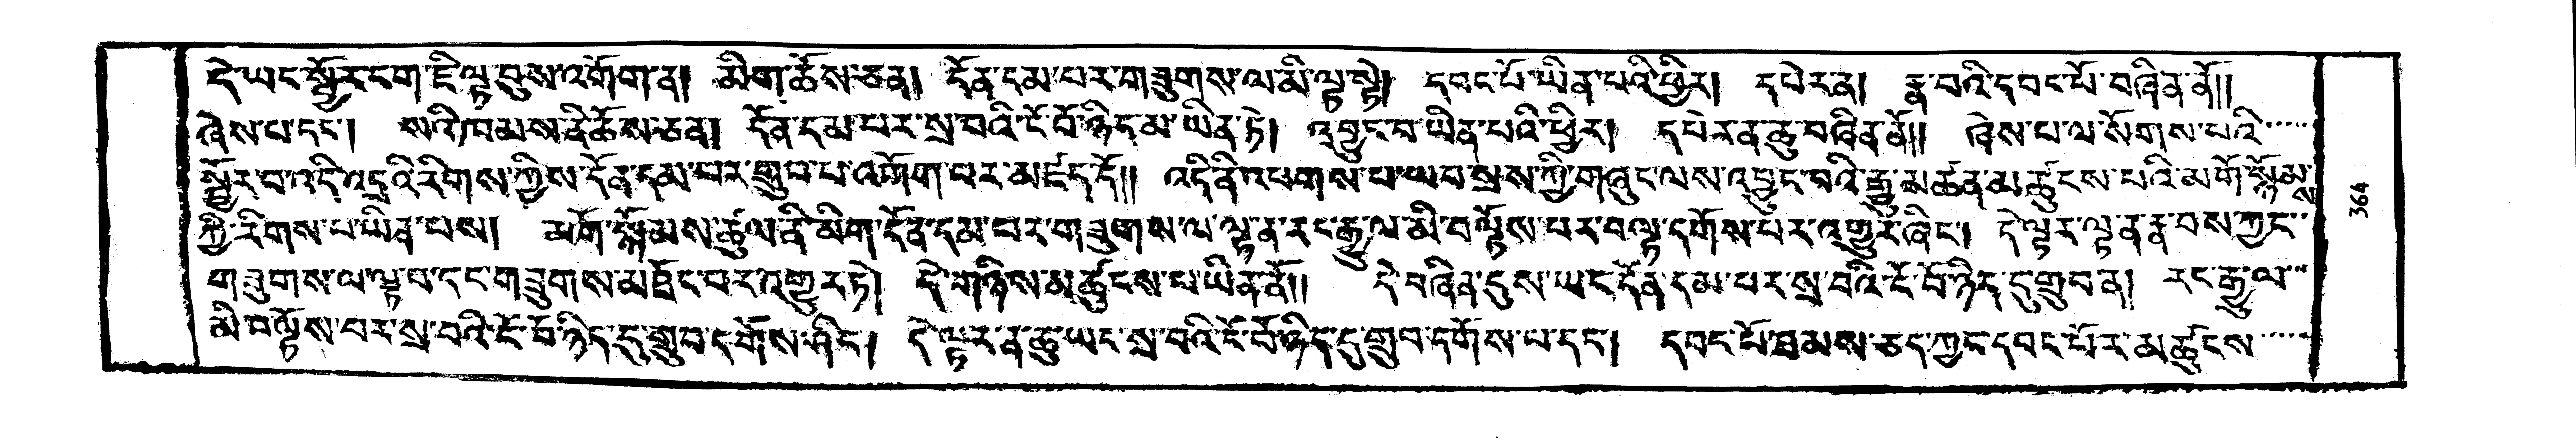དེ་ཡང་སྦྱོར་ངག་ཇི་ལྟ་བུས་འགོག་ན། མིག་ཆོས་ཅན། དོན་དམ་པར་གཟུགས་ལ་མི་ལྟ་སྟེ། དབང་པོ་ཡིན་པའི་ཕྱིར། དཔེར་ན། རྣ་བའི་དབང་པོ་བཞིན་ནོ། །
ཞེས་པ་དང་། སའི་ཁམས་ནི་ཆོས་ཅན། དོན་དམ་པར་སྲ་བའི་ངོ་བོ་ཉིད་མ་ཡིན་ཏེ། འབྱུང་བ་ཡིན་པའི་ཕྱིར། དཔེར་ན་ཆུ་བཞིན་ནོ། །ཞེས་པ་ལ་སོགས་པའི་
སྦྱོར་བ་འདི་འདྲའི་རིགས་ཀྱིས་དོན་དམ་པར་གྲུབ་པ་འགོག་པར་མཛད་དོ། །འདི་ནི་འཕགས་པ་ཡབ་སྲས་ཀྱི་གཞུང་ལས་འབྱུང་བའི་རྒྱུ་མཚན་མཚུངས་པའི་མགོ་སྙོམས་
ཀྱི་རིགས་པ་ཡིན་པས། མགོ་སྙོམས་ཚུལ་ནི་མིག་དོན་དམ་པར་གཟུགས་ལ་ལྟ་ན་རང་རྒྱུ་ལ་མི་བལྟོས་པར་བལྟ་དགོས་པར་འགྱུར་ཞིང་། དེ་ལྟར་ལྟ་ན་རྣ་བས་ཀྱང་
གཟུགས་ལ་ལྟ་བ་དང་གཟུགས་མཐོང་བར་འགྱུར་ཏེ། དེ་གཉིས་མཚུངས་པ་ཡིན་ནོ། །དེ་བཞིན་དུས་ཡང་དོན་དམ་པར་སྲ་བའི་ངོ་བོ་ཉིད་དུ་གྲུབ་ན། རང་རྒྱུ་ལ་
མི་བལྟོས་པར་སྲ་བའི་ངོ་བོ་ཉིད་དུ་གྲུབ་དགོས་ཤིང་། དེ་ལྟར་ན་ཆུ་ཡང་སྲ་བའི་ངོ་བོ་ཉིད་དུ་གྲུབ་དགོས་པ་དང་། དབང་པོ་ཐམས་ཅད་ཀྱང་དབང་པོར་མཚུངས་